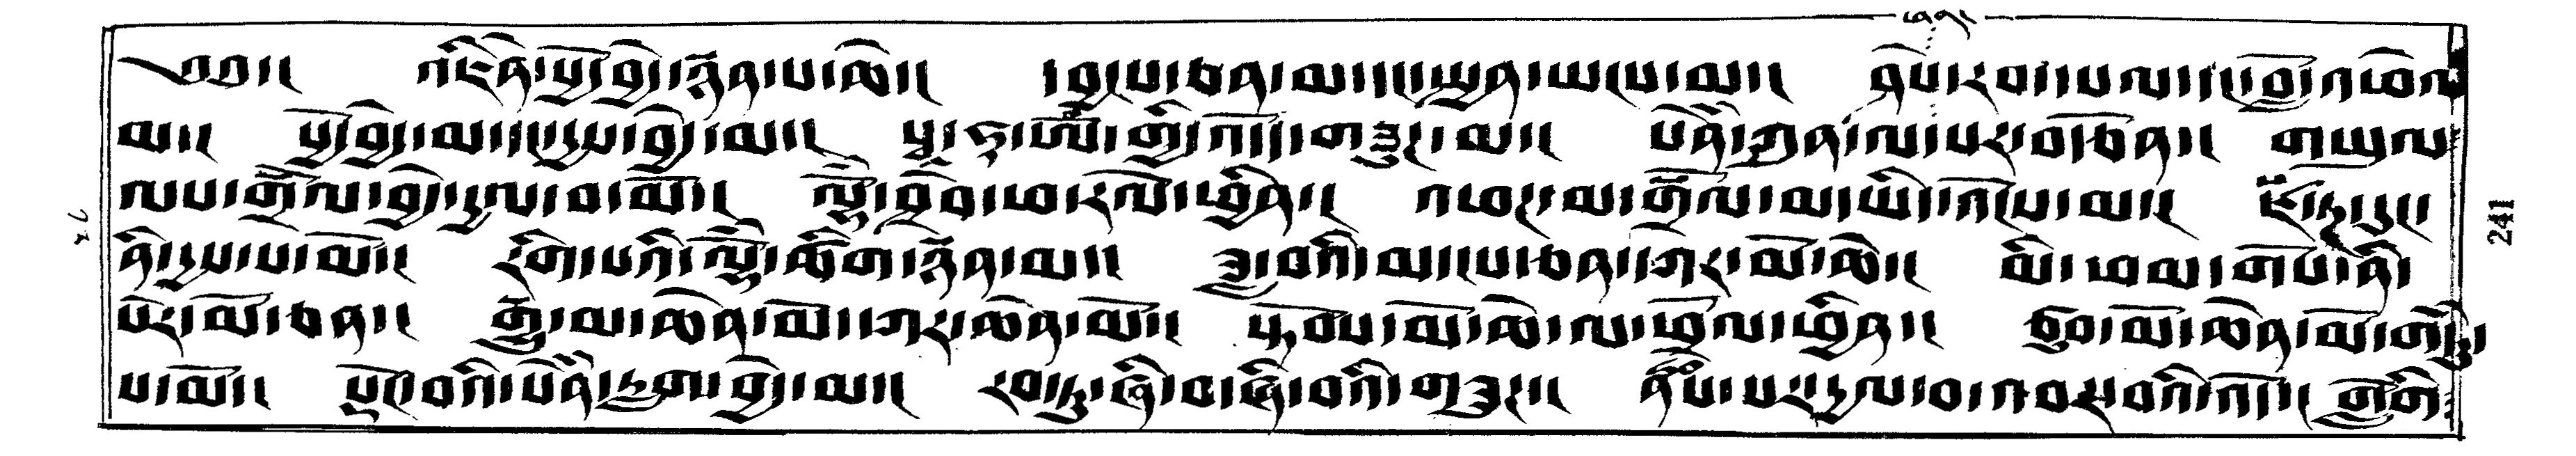།འཇིག་རྟེན་གསོ་བྱེད་སྙན་པ་ཆེ། །དབྱངས་ཅན་མ་དང་སྤྱན་ཡངས་མ། །ཤེས་རབ་དཔལ་དང་བློ་འཕེལ་
མ། །གསོ་བྱེད་མ་དང་རྒྱས་བྱེད་མ། །སྭ་ཧཱ་ཨོཾ་གྱི་འདོད་གཟུགས་མ། །སེམས་ཅན་ཀུན་ལ་ཕན་པར་བརྩོན། །གཡུལ་
ལས་སྒྲོལ་བྱེད་རྒྱལ་བ་མོ། །ལྷ་མོ་ཤེས་རབ་ཕ་རོལ་ཕྱིན། །འཕགས་མ་སྒྲོལ་མ་ཡིད་འོང་མ། །རྫ་རྔ་དུང་
ནི་རྒྱས་པ་མོ། །རིག་པའི་ལྷ་མོ་ཚིག་སྙན་མ། །ཟླ་བའི་མདངས་ཅན་དཀར་མོ་ཆེ། །མི་ཕམ་གོས་ནི་
སེར་མོ་ཅན། །སྒྱུ་མ་ཆེན་མོ་དཀར་ཆེན་མོ། །སྟོབས་མོ་ཆེ་ལ་ཕ་རོལ་ཕྱིན། །ཙུབ་མོ་ཆེན་མོ་གཏུམ་
པ་མོ། །སྡོང་བའི་སེམས་ཅན་བརླག་བྱེད་མ། །རབ་ཏུ་ཞི་བ་ཞི་བའི་གཟུགས། །རྣམ་པར་རྒྱལ་བ་འབར་བའི་འོད།།གློག་གི་